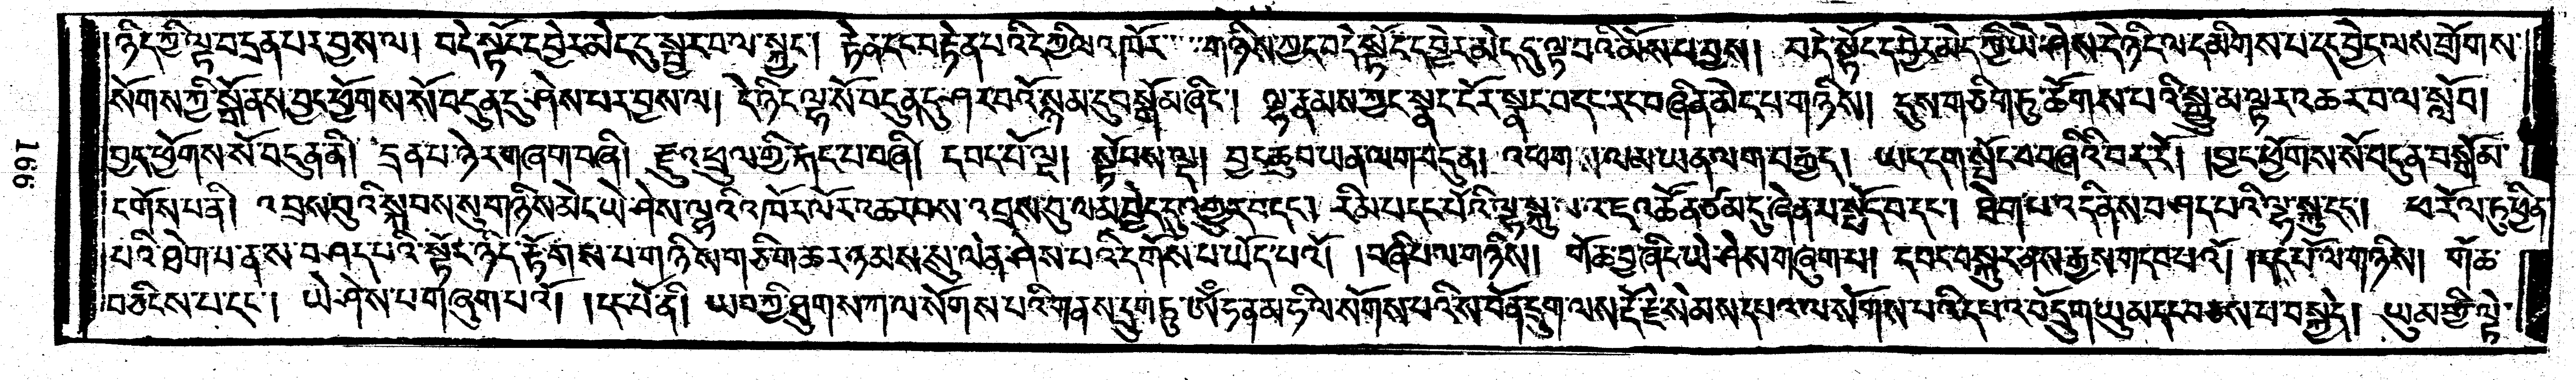ཉིད་ཀྱི་ལྟ་བ་དྲན་པར་བྱས་ལ། བདེ་སྟོང་དབྱེར་མེད་དུ་སྦྱར་བ་ལ་སྐྱང་། རྟེན་དང་བརྟེན་པའི་དཀྱིལ་འཁོར་གཉིས་ཀྱང་བདེ་སྟོང་དབྱེར་མེད་དུ་ལྟ་བའི་མོས་པ་བྱས། བདེ་སྟོང་དབྱེར་མེད་ཀྱི་ཡེ་ཤེས་དེ་ཉིད་ལ་དམིགས་པ་དང་བྱེད་ལས་གྲོགས་
སོགས་ཀྱི་སྒོ་ནས་བྱང་ཕྱོགས་སོ་བདུན་དུ་ཤེས་པར་བྱས་ལ། དེ་ཉིད་ལྷ་སོ་བདུན་དུ་ཤར་བའོ་སྙམ་དུ་བསྒོམ་ཞིང་། ལྷ་རྣམས་ཀྱང་སྣང་ངོར་སྣང་བ་དང་རང་བཞིན་མེད་པ་གཉིས། དུས་གཅིག་ཏུ་ཚོགས་པའི་སྒྱུ་མ་ལྟར་འཆར་བ་ལ་སློབ།
བྱད་ཕྱོགས་སོ་བདུན་ནི། དྲན་པ་ཉེར་གཞག་བཞི། རྫུ་འཕྲུལ་གྱི་རྐང་པ་བཞི། དབང་པོ་ལྔ། སྟོབས་ལྡ། བྱང་ཆུབ་ཡན་ལག་བདུན། འཕགས་ལམ་ཡན་ལག་བརྒྱད། ཡང་དག་སྤོང་བ་བཞིའི་བར་རོ། །བྱང་ཕྱོགས་སོ་བདུན་བསྒོམ་
དགོས་པ་ནི། འབྲས་བུའི་སྐབས་སུ་གཉིས་མེད་ཡེ་ཤེས་ལྷའི་འཁོར་ལོར་འཆར་བས་འབྲས་བུ་ལམ་བྱེད་དུ་འགྱུར་བ་དང་། རིམ་པ་དང་པོའི་ལྷ་སྐུལ་འཇའ་ཚོན་ཙམ་དུ་ཞེན་པ་སྤོད་པ་དང་། ཐེག་པ་འདི་ནས་བཤད་པའི་ལྷ་སྐུ་དང་། ཕ་རོལ་ཏུ་ཕྱིན་
པའི་ཐེག་པ་ནས་བཤད་པའི་སྟོར་ཉིད་རྟོགས་པ་གཉིས་གཅིག་ཆར་ཉམས་སུ་ལེན་ཤེས་པའི་དགོས་པ་ཡོད་པའོ། །བཞི་པ་ལ་གཉིས། གོ་ཆ་བྱ་ཞིང་ཡེ་ཤེས་གཞུག་པ། དབང་བསྐུར་ནས་རྒྱས་གདབ་པའོ། །དང་པོ་ལ་གཉིས། གོ་ཆ་
བཅིངས་པ་དང་། ཡེ་ཤེས་པ་གཞུག་པའོ། །དང་པོ་ནི། ཡབ་ཀྱི་ཐུགས་ཀ་ལ་སོགས་པའི་གནས་དྲུག་ཏུ་ཨོཾ་ཧ་ན་མ་ཧི་ལ་སོགས་པའི་ས་བོན་དྲུག་ལས་རྡོ་རྗེ་སེམས་དཔའ་ལ་སོགས་པའི་དཔའ་བོ་དྲུག་ཡུམ་དང་བཅས་པ་བསྐྱེད། ཡུམ་གྱི་ལྟེ་